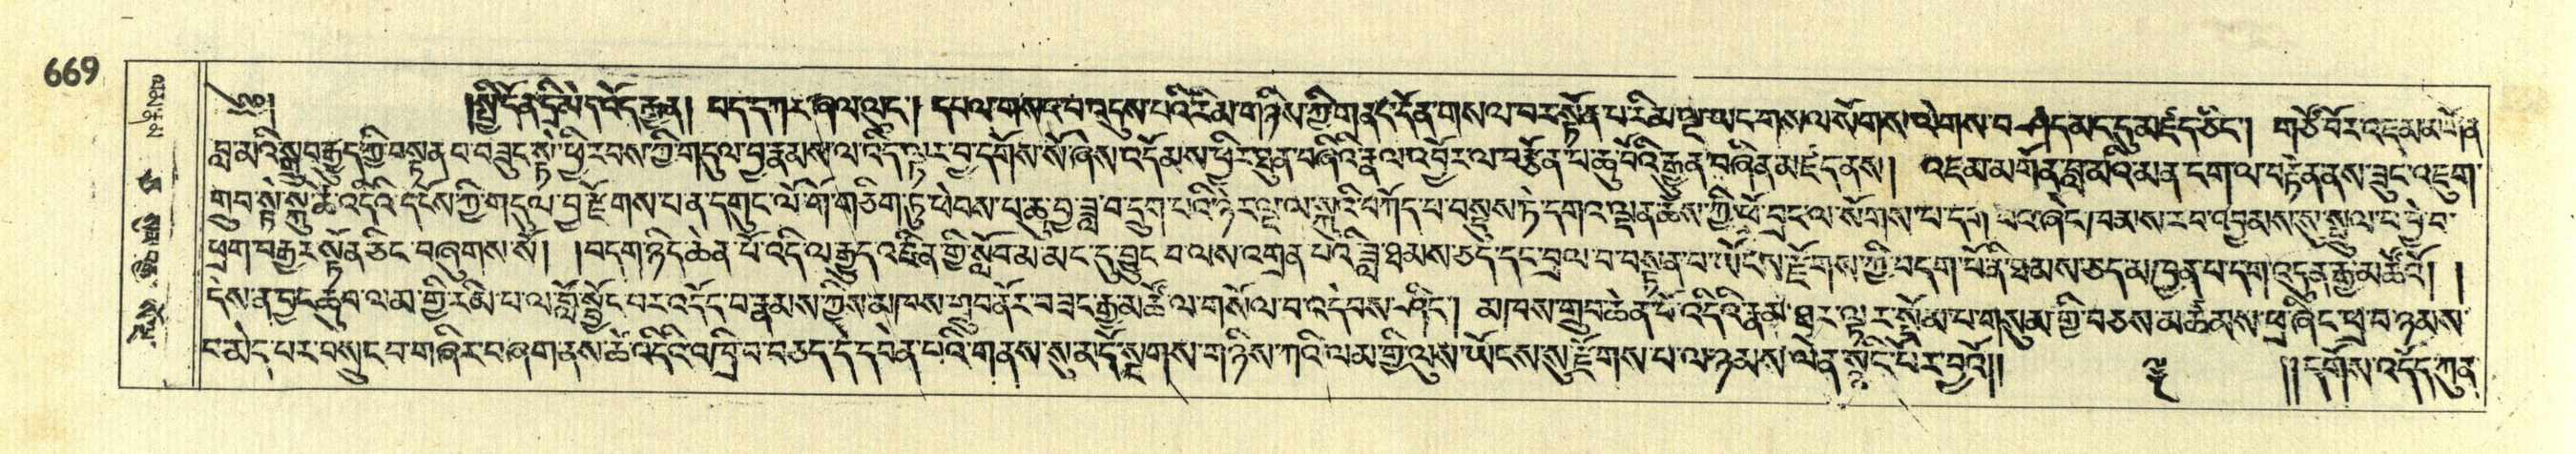༄༅། །སྤྱི་དོན་དྲི་མེད་འོད་རྒྱན། པད་དཀར་ཞལ་ལུང་། དཔལ་གསང་བ་འདུས་པའི་རིམ་གཉིས་ཀྱི་གནང་དོན་གསལ་བར་སྟོན་པ་རིམ་ལྔ་ཡང་གསལ་སོགས་ལེགས་བཤད་མང་དུ་མཛད་ཅིང་། གཙོ་བོར་འཇམ་མགོན་
བླ་མའི་སྒྲུབ་རྒྱུད་ཀྱི་བསྟན་པ་བཟུང་སྟེ་ཕྱིར་རབས་ཀྱི་གདུལ་བྱ་རྣམས་ལ་འདི་ལྟར་བྱ་དགོས་སོ་ཞེས་འདོམས་ཕྱིར་ཐུན་བཞིའི་རྣལ་འབྱོར་ལ་བརྩོན་པ་ཆུ་བོའི་རྒྱུན་བཞིན་མཛད་ནས། འཇམ་མགོན་བླ་མའི་མན་ངག་ལ་བརྟེན་ནས་ཟུང་འཇུག་
གྲུབ་སྟེ་སྐུ་ཚེ་འདིའི་དངོས་ཀྱི་གདུལ་བྱ་རྫོགས་པ་ན་དགུང་ལོ་གོ་གཅིག་ཏུ་ཕེབས་པ་ཆུ་བྱ་ཟླ་བ་དྲུག་པའི་ཉེར་ལྔ་ལ་སྐུའི་བཀོད་པ་བསྡུས་ཏེ་དགའ་ལྡན་ཆོས་ཀྱི་ཕོ་བྲང་ལ་སོགས་པ་དག་པའི་ཞིང་ཁམས་རབ་འབྱམས་སུ་སྤྲུལ་པ་བྱེ་བ་
ཕྲག་བརྒྱར་སྟོན་ཅིང་བཞུགས་སོ། །བདག་ཉིད་ཆེན་པོ་འདི་ལ་རྒྱུད་འཛིན་གྱི་སློབ་མ་མང་དུ་བྱུང་བ་ལས་འགྲན་པའི་ཟླ་ཐམས་ཅད་དང་བྲལ་བ་བསྟན་པ་ཡོངས་རྫོགས་ཀྱི་བདག་པོ་ནི་ཐམས་ཅད་མཁྱན་པ་དག་འདུན་རྒྱ་མཚོའོ། །
དེས་ན་བྱང་ཆུབ་ལམ་གྱི་རིམ་པ་ལ་བློ་སྦྱོང་བར་འདོད་པ་རྣམས་ཀྱིས་མཁས་གྲུབ་ནོར་བཟང་རྒྱ་མཚོ་ལ་གསོལ་བ་འདེབས་ཤིང་། མཁས་གྲུབ་ཆེན་པོ་འདིའི་རྣམ་ཐར་ལྟར་སྡོམ་པ་གསུམ་གྱི་བཅས་མཚམས་ཕྲ་ཞིང་ཕྲ་བ་ཉམས་
བ་མེད་པར་བསྲུང་བ་གཞིར་བཞག་ནས་ཚེ་འདིའི་འཁྲི་བ་བཅད་དེ་དབེན་པའི་གནས་སུ་མདོ་སྔགས་གཉིས་ཀའི་ལམ་གྱི་ལུས་ཡོངས་སུ་རྫོགས་པ་ལ་ཉམས་ལེན་སྙིང་པོར་བྱའོ།། ༈ །།དགོས་འདོད་ཀུན་